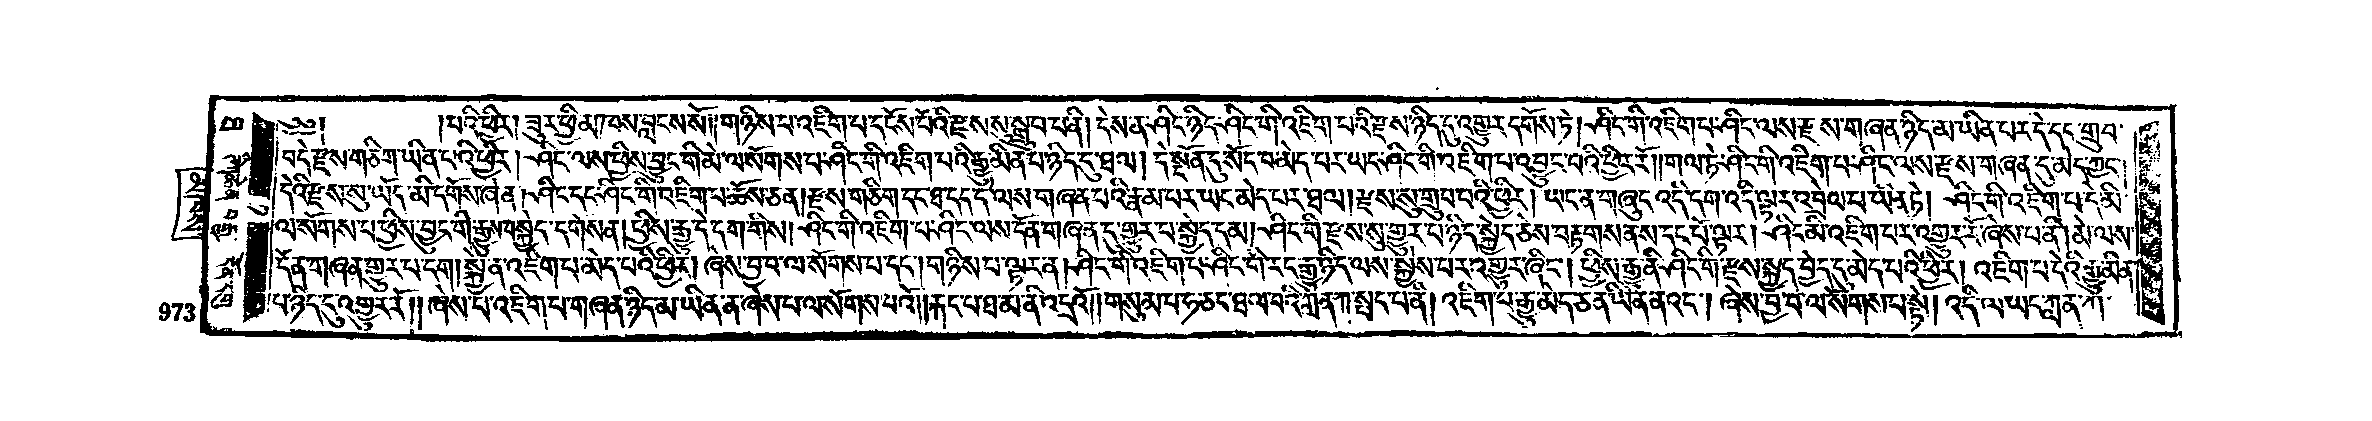༄༅། །པའི་ཕྱིར། ཟུར་ཕྱི་མ་ཁས་བླངས་སོ། །གཉིས་པ་འཇིག་པ་དངོས་པོའི་རྫས་སུ་སྒྲུབ་པ་ནི། དེས་ན་ཤིང་ཉིད་ཤིང་གི་འཇིག་པའི་རྫས་ཉིད་དུ་འགྱུར་དགོས་ཏེ། ཤིང་གི་འཇིག་པ་ཤིང་ལས་རྫས་གཞན་ཉིད་མ་ཡིན་པར་དེ་དང་གྲུབ་
བདེ་རྫས་གཅིག་ཡིན་པའི་ཕྱིར། ཤིང་ལས་ཕྱིས་བྱུང་གི་མེ་ལ་སོགས་པ་ཤིང་གི་འཇིག་པའི་རྒྱུ་མིན་པ་ཉིད་དུ་ཐལ། དེ་སྔོན་དུ་སོང་བ་མེད་པར་ཡང་ཤིང་གི་འཇིག་པ་འབྱུང་བའི་ཕྱིར་རོ། །གལ་ཏེ་ཤིང་གི་འཇིག་པ་ཤིང་ལས་རྫས་གཞན་དུ་མེད་ཀྱང་།
དེའི་རྫས་སུ་ཡོད་མི་དགོས་ཞེ་ན། ཤིང་དང་ཤིང་གི་འཇིག་པ་ཆོས་ཅན། རྫས་གཅིག་དང་ཐ་དད་དེ་ལས་གཞན་པའི་རྣམ་པར་ཡང་མེད་པར་ཐལ། རྫས་སུ་གྲུབ་པའི་ཕྱིར། ཡང་ན་གཞུང་འདི་དག་འདི་ལྟར་འབྲེལ་བ་ཡིན་ཏེ། ཤིང་གི་འཇིག་པ་དེ་མི་
ལ་སོགས་པ་ཕྱིས་བྱུང་གི་རྒྱུས་བསྐྱེད་དགོས་ན། ཕྱིས་རྒྱུ་དེ་དག་གིས། ཤིང་གི་འཇིག་པ་ཤིང་ལས་དོན་གཞན་དུ་གྱུར་པ་སྐྱེད་དམ། ཤིང་གི་རྫས་སུ་གྱུར་པ་ཉིད་སྐྱེད་ཅེས་བརྟགས་ནས་དང་པོ་ལྟར། ཤིང་མི་འཇིག་པར་འགྱུར་རོ་ཞེས་པ་ནི། མེ་ལས་
དོན་གཞན་གྱུར་པ་དག །སྐྱེ་ན་འཇིག་པ་མེད་པའི་ཕྱིར། ཞེས་བྱ་བ་ལ་སོགས་པ་དང་། གཉིས་པ་ལྟར་ན། ཤིང་གི་འཇིག་པ་ཤིང་གི་རང་རྒྱུ་ཉིད་ལས་སྐྱེས་པར་འགྱུར་ཞིང་། ཕྱིས་རྒྱུ་ནི་ཤིང་གི་རྫས་སྐྱེད་བྱེད་དུ་མེད་པའི་ཕྱིར། འཇིག་པ་དེའི་རྒྱུ་མིན་
པ་ཉིད་དུ་འགྱུར་རོ། །ཞེས་པ་འཇིག་པ་གཞན་ཉིད་མ་ཡིན་ན་ཞེས་པ་ལ་སོགས་པའོ། །རྐང་པ་ཐ་མ་ནི་འདྲའོ། །གསུམ་པ་ཧ་ཅང་ཐལ་བའི་ཀླན་ཀ་སྤང་པ་ནི། འཇིག་པ་རྒྱུ་མེད་ཅན་ཡིན་ནའང་། ཞེས་བྱ་བ་ལ་སོགས་པ་སྟེ། འདི་ལ་ཡང་ཀླན་ཀ་